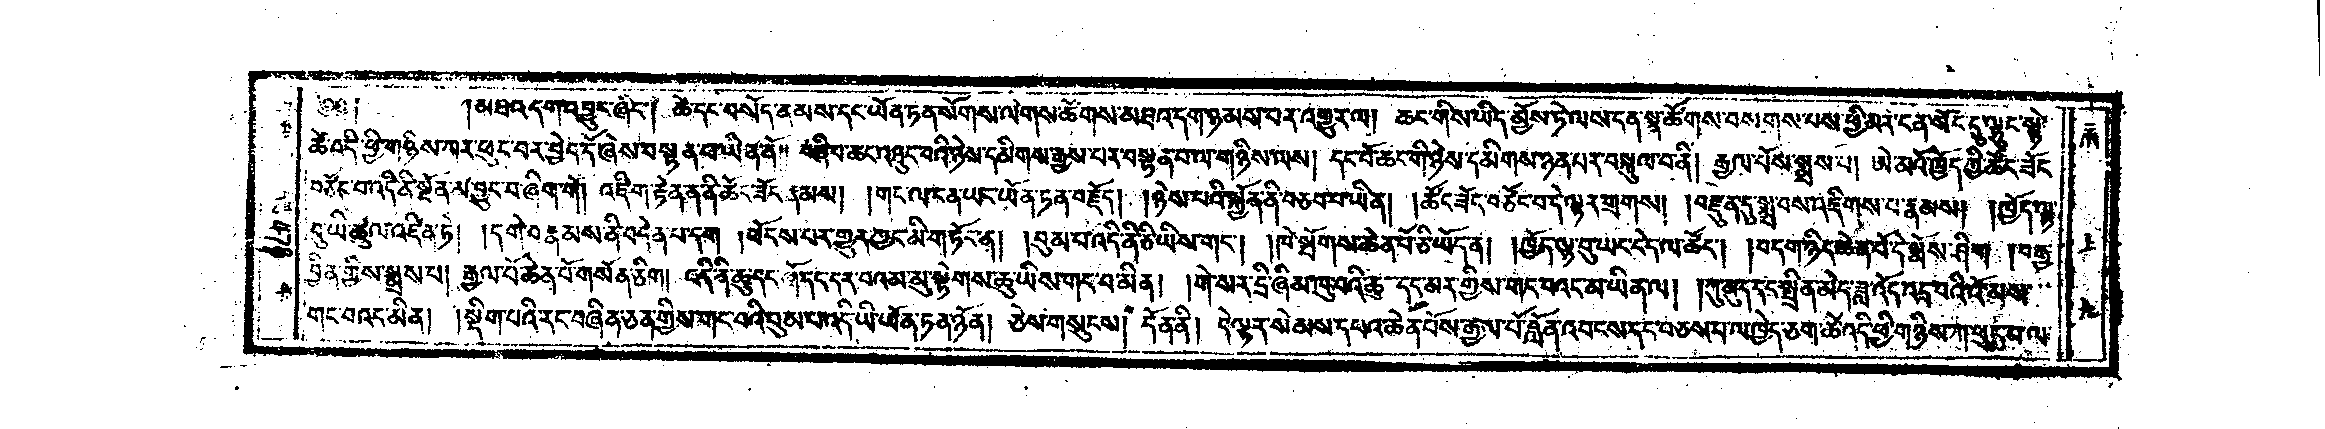༄༅། །མཐའ་དག་འབྱུང་ཞིང་། ཚེ་དང་བསོད་ནམས་དང་ཡོན་ཏན་སོགས་ལེགས་ཚོགས་མཐའ་དག་ཉམས་པར་འགྱུར་ལ། ཆང་གིས་ཡིད་མྱོས་ཏེ་ལས་ངན་སྣ་ཚོགས་བསགས་པས་ཕྱི་མར་ངན་སོང་དུ་ལྟུང་སྟེ་
ཚེ་འདི་ཕྱི་གཉིས་ཀར་ཕུང་བར་བྱེད་དོ་ཞེས་བསྟན་པ་ཡིན་ནོ།། བཞི་པ་ཆང་འཐུང་བའི་ཉེས་དམིགས་རྒྱས་པར་བསྟན་པ་ལ་གཉིས་ལས། དང་པོ་ཆང་གི་ཉེས་དམིགས་ཉན་པར་བསྐུལ་བ་ནི། རྒྱལ་པོས་སྨྲས་པ། ཨེ་མའོ་ཁྱོད་ཀྱི་ཚོང་ཟོང་
བཙོང་བ་འདི་ནི་སྔོན་མ་བྱུང་བ་ཞིག་གོ། འཇིག་རྟེན་ན་ནི་བརྗོད་པ་སྟེ། ཆང་འཐུངས་ན་ཚེ་འདིར་ཡང་ནང་དང་གདོན་སྐྱོན་ནི་བཅབ་པ་ཡིན། །ཚོང་ཟོང་བཙོང་བ་དེ་ལྟར་གྲགས། །བརྫུན་དུ་སྨྲ་བས་འཇིགས་པ་རྣམས། །ཁྱོད་ལྟ་
བུ་ཡི་ཚུལ་འཛིན་ཏེ། །དགེ་བ་རྣམས་ནི་བདེན་པ་དག །ཕོངས་པར་གྱུར་ཀྱང་མི་གཏོང་ན། །བུམ་པ་འདི་ནི་ཅི་ཡིས་གང་། །ཁེ་སྤོགས་ཆེན་པོ་ཅི་ཡོད་ན། །ཁྱོད་ལྟ་བུ་ཡང་ངེད་ལ་ཚོང་། །བདག་ཉིད་ཆེན་པོ་དེ་སྨོས་ཤིག །བརྒྱ་
བྱིན་གྱིས་སྨྲས་པ། རྒྱལ་པོ་ཆེན་པོ་གསོན་ཅིག། འདི་ནི་ཆུ་དང་ཞོ་དང་ངར་བའམ་མུ་སྟེགས་ཆུ་ཡིས་གང་བ་མིན། །གེ་སར་དྲི་ཞིམ་ཁུ་བའི་ཆུ་དང་མར་གྱིས་གང་བའང་མ་ཡིན་ལ། །ཀུ་མུད?་དང་སྤྲིན་མེད་ཟླ་འོད་འདྲ་བའི་འོ་མས་
གང་བའང་མིན། །སྡིག་པའི་རང་བཞིན་ཅན་གྱིས་གང་བའི་བུམ་པ་འདི་ཡི་ཡོན་ཏན་ཉོན། ཅེས་གསུངས། དོན་ནི། དེ་ལྟར་སེམས་དཔའ་ཆེན་པོས་རྒྱལ་པོ་བློན་འབངས་དང་བཅས་པ་ལ་ཁྱེད་ཅག་ཚེ་འདི་ཕྱི་གཉིས་ཀ་ཕུང་བ་ལ་